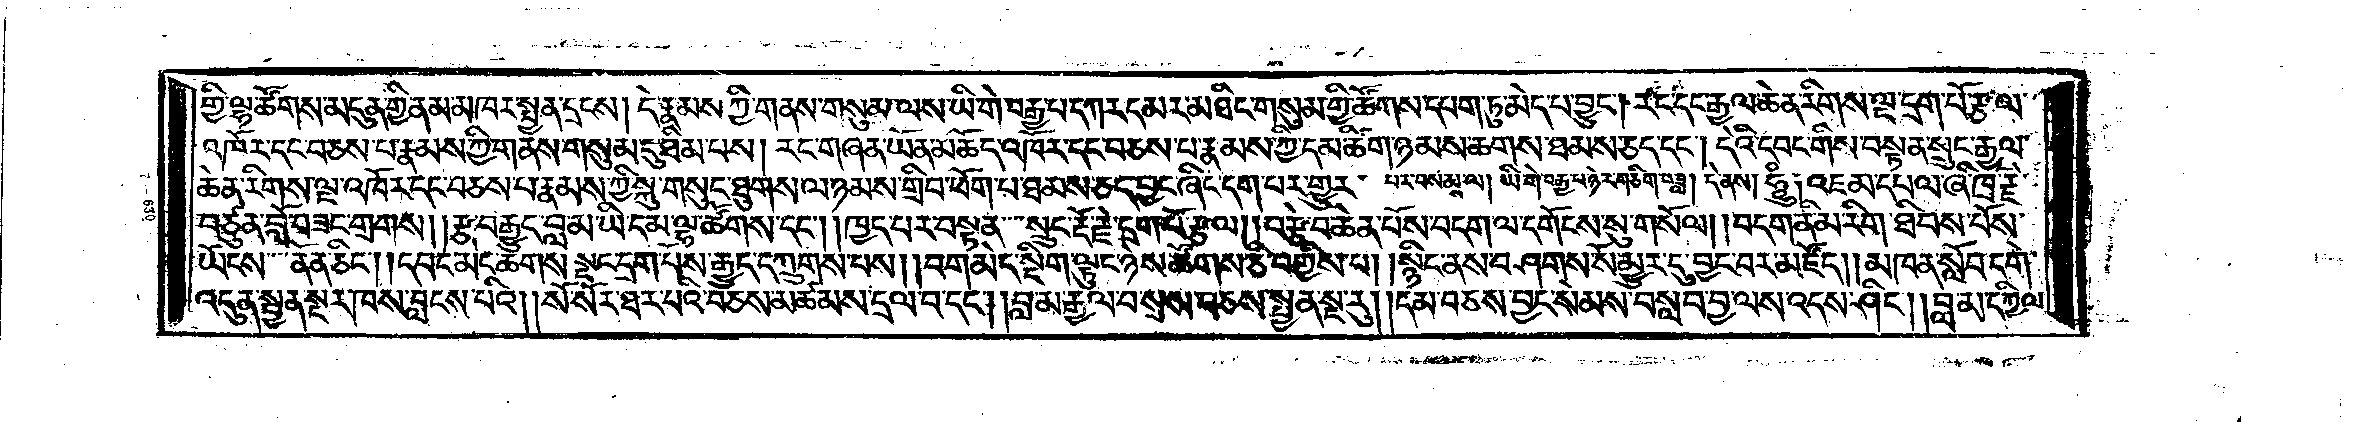གྱི་ལྷ་ཚོགས་མདུན་གྱི་ནམ་མཁར་སྤྱན་དྲངས། དེ་རྣམས་ཀྱི་གནས་གསུམ་ལས་ཡི་གེ་བརྒྱ་པ་དཀར་དམར་མཐིང་གསུམ་གྱི་ཚོགས་དབང་ཏུ་མེད་བ་བྱུང་། རང་དང་རྒྱལ་ཆེན་རིགས་ལྔ་དྲག་པོ་རྩལ་
འཁོར་དང་བཅས་པ་རྣམས་ཀྱི་གནས་གསུམ་དུ་ཐིམ་པས། རང་གཞན་ཡོན་མཆོད་འཁོར་དང་བཅས་པ་རྣམས་ཀྱི་དམ་ཚིག་ཉམས་ཆགས་ཐམས་ཅད་དང་། དེའི་དབང་གིས་བསྟན་སྲུང་རྒྱལ་
ཆེན་རིགས་ལྔ་འཁོར་དང་བཅས་པ་རྣམས་ཀྱི་སྐུ་གསུང་ཐུགས་ལ་ཉམས་གྲིབ་ཕོག་པ་ཐམས་ཅད་བྱང་ཞིང་དག་པར་གྱུར་བར་བསམ་ལ། ཡི་གེ་བརྒྱ་པ་ཉེར་གཅིག་བཟླ། དེ་ནས།  ཧཱུཾ༑ འཇམ་དཔལ་ཞི་ཁོ་རྗེ་
བཙུན་བློ་བཟང་གྲགས། །རྩ་བརྒྱུད་བླ་མ་ཡི་དམ་ལྷ་ཚོགས་དང་། །ཁྱད་པར་བསྟན་སྲུང་རྡོ་རྗེ་དྲག་པོ་རྩལ། །བརྩེ་བ་ཆེན་པོས་བདག་ལ་དགོངས་སུ་གསོལ། །བདག་ནི་མ་རིག་ཐིབས་པོས་
ཡོངས་ནོན་ཅིང་། །དབང་མེད་ཚོགས་སྡང་དྲག་པོས་རྒྱུད་དཀྲུགས་པས། །བག་མེད་སྡིག་ལྟུང་ཉེས་ཚོགས་ཅི་བགྱིས་པ། །སྙིང་ནས་བཤགས་སོ་མྱུར་དུ་བྱང་བར་མཛོད། །མཁན་སློབ་དགེ་
འདུན་སྤྱན་སྔར་ཁས་བླངས་པའི། །སོ་སོར་ཐར་པའི་བཅས་མཚམས་དྲལ་བ་དང་། །བླ་མ་རྒྱལ་བ་སྲས་བཅས་སྤྱན་སྔ་རུ། །དམ་བཅས་བྱང་སེམས་བསླབ་བྱ་ལས་འདས་ཤིང་། །བླ་མ་དཀྱིལ་